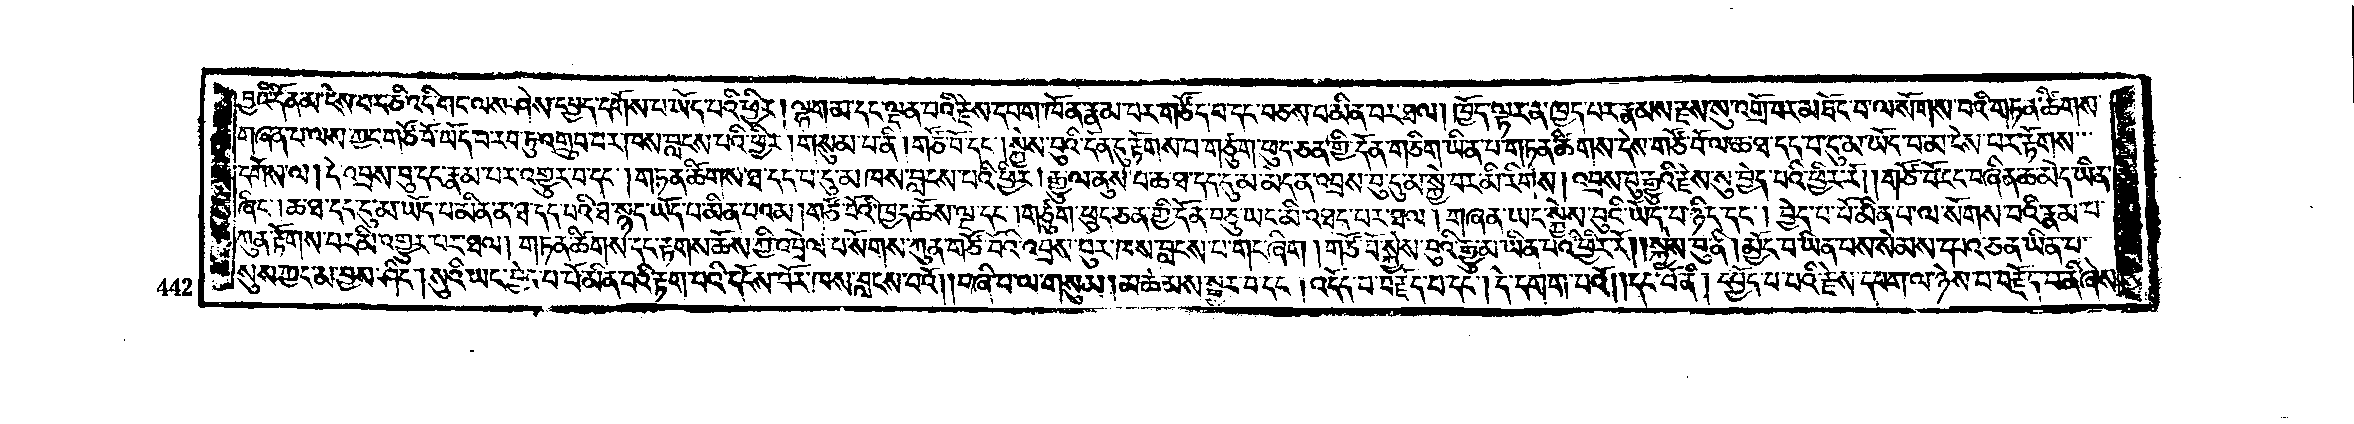བྱའི་དོན་མ་ངེས་པ་ཅི་འདི་གང་ལས་ཤེས་དཔྱད་དགོས་པ་ཡོད་པའི་ཕྱིར། ལྷག་མ་དང་ལྡན་པའི་རྗེས་དཔག་ཁོ་ན་རྣམ་པར་གཙོད་པ་དང་བཅས་པ་མིན་པར་ཐལ། ཁྱོད་ལྟར་ན་ཁྱད་པར་རྣམས་རྗེས་སུ་འགྲོ་བར་མཐོང་བ་ལ་སོགས་པའི་གཏན་ཚིགས་
གཞན་པ་ལས་ཀྱང་གཙོ་བོ་ཡོད་པ་རབ་ཏུ་འགྲུབ་བར་ཁས་བླངས་པའི་ཕྱིར། གསུམ་པ་ནི། གཙོ་བོ་དང་། སྐྱེས་བུའི་དོན་དུ་རྟོགས་པ་གཙུགས་ཕུད་ཅན་གྱི་དོན་གཅིག་ཡིན་པ་གཏན་ཚིགས་དེས་གཙོ་བོ་ལ་ཆ་ཐ་དད་པ་དུ་མ་ཡོད་པ་མ་ངེས་པར་རྟོགས་
དགོས་ལ། དེ་འབྲས་བུ་དང་རྣམ་པར་འགྱུར་བ་དང་། གཏན་ཚིགས་ཐ་དད་པ་དུ་མ་ཁས་བླངས་པའི་ཕྱིར་རྒྱུ་ལ་ནུས་པ་ཆ་ཐ་དད་དུ་མ་མེད་ན་འབྲས་བུ་དུ་མ་སྐྱེ་བར་རི་རིགས། འབྲས་བུ་རྒྱུའི་རྗེས་སུ་བྱེད་པའི་ཕྱིར་རོ། །གཙོ་བོ་རང་བཞིན་ཆ་མེད་ཡིན་
ཞིང་། ཆ་ཐ་དད་དུ་མ་ཡོད་པ་མིན་ན་ཐ་དད་པའི་ཐ་སྙད་ཡོད་པ་མིན་པའམ། གཙོ་བོའི་ཁྱད་ཆོས་ལྔ་དང་། གཙུག་ཕུད་ཅན་གྱི་དོན་བཅུ་ཡང་མི་འཐད་པར་ཐལ། གཞན་ཡང་སྐྱེས་བུའི་ཡོད་པ་ཉིད་དང་། བྱེད་པ་པོ་མིན་པ་ལ་སོགས་པའི་རྣམ་པ་
ཀུན་རྟོགས་པར་མི་འགྱུར་པར་ཐལ། གཏན་ཚིགས་དང་རྟགས་ཆོས་ཀྱི་འབྲེལ་པ་སོགས་ཀུན་གཙོ་བོའི་འབྲས་བུར་ཁས་བླངས་པ་གང་ཞིག །གཙོ་བོ་སྐྱེས་བུའི་རྒྱུ་མ་ཡིན་པའི་ཕྱིར་རོ། །སྐྱེས་བུ་ནི། མྱོང་བ་ཡིན་པས་སེམས་དཔའ་ཅན་ཡིན་པ་
སུས་ཀྱང་མ་བྱས་ཤིང་། སུའི་ཡང་བྱེད་པ་པོ་མིན་པའི་རྟག་པའི་དངོས་པོར་ཁས་བླངས་པའོ། །བཞི་པ་ལ་གསུམ། མཚམས་སྦྱར་བ་དང་། འདོད་པ་བརྗོད་པ་དང་། དེ་དགག་པའོ། །དང་པོ་ནི། དཔྱོད་པ་པའི་རྗེས་དཔག་ལ་ཉེས་པ་བརྗོད་པ་ནི་ཞེས་